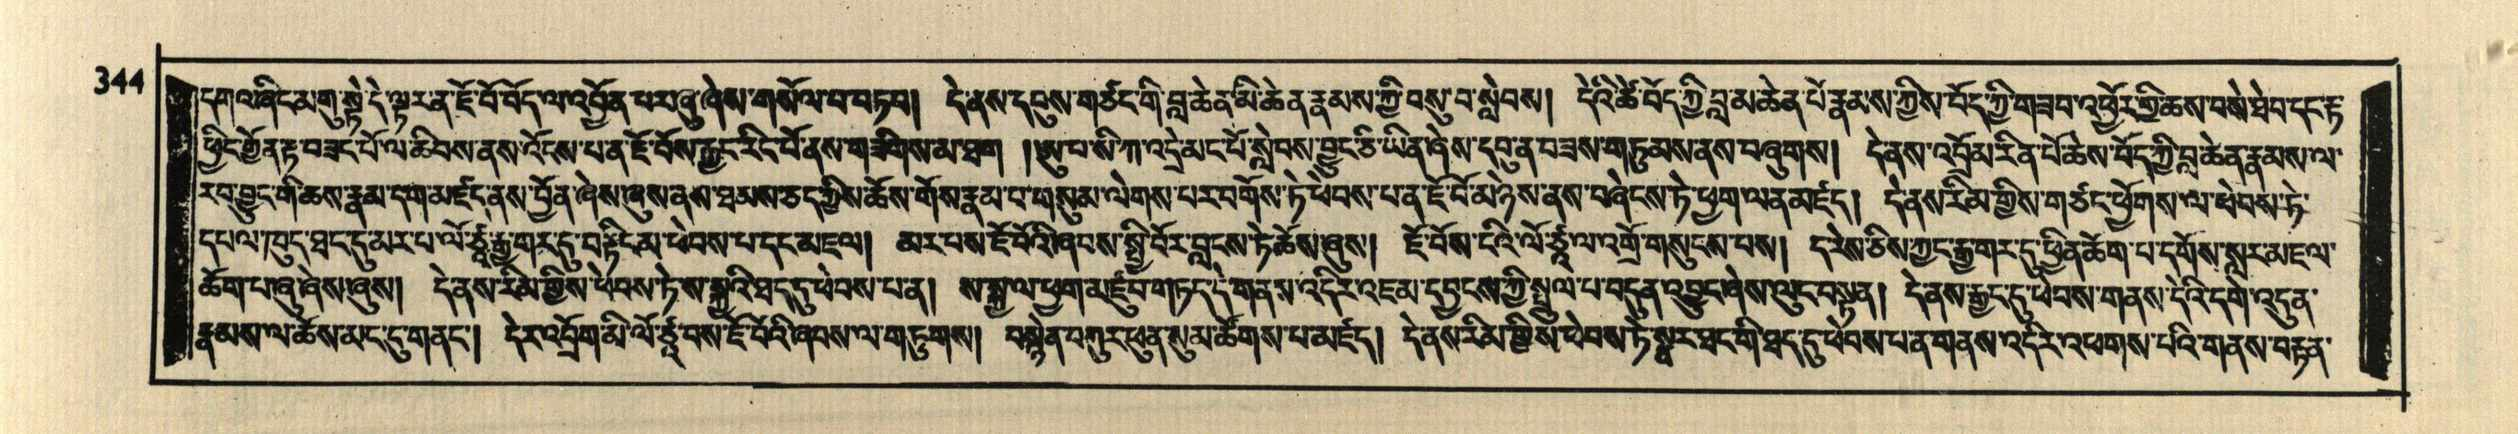དགའ་ཞིང་མགུ་སྟེ་དེ་ལྟར་ན་ཇོ་བོ་བོད་ལ་འབྱོན་པར་ཞུ་ཞེས་གསོལ་བ་བཏབ། དེ་ནས་དབུས་གཙང་གི་བླ་ཆེན་མི་ཆེན་རྣམས་ཀྱི་བསུ་བ་སླེབས། དེའི་ཚེ་བོད་ཀྱི་བླ་མ་ཆེན་པོ་རྣམས་ཀྱིས་བོད་ཀྱི་གཟབ་འཕྱོར་གྱི་ཆས་བསེ་ཐེབ་དང་རྟ་
ཕྱིང་གྱོན་རྟ་བཟང་པོ་ལ་ཆིབས་ནས་འོངས་པ་ན་ཇོ་བོས་རྒྱང་རིང་པོ་ནས་གཟིགས་མ་ཐག །ཨུ་པ་སི་ཀ་འདྲེ་མང་པོ་སླེབས་བྱུང་ཅི་ཡིན་ཞེས་དབུ་ན་བཟས་གཏུམས་ནས་བཞུགས། དེ་ནས་འབྲོམ་རིན་པོ་ཆེས་བོད་ཀྱི་བླ་ཆེན་རྣམས་ལ་
རབ་བྱུང་གི་ཆས་རྣམ་དག་མཛད་ནས་བྱོན་ཞེས་ཞུས་ནས་ཐམས་ཅད་ཀྱིས་ཆོས་གོས་རྣམ་པ་གསུམ་ལེགས་པར་བགོས་ཏེ་ཕེབས་པ་ན་ཇོ་བོ་མཉེས་ནས་བཞེངས་ཏེ་ཕྱག་ལན་མཛད། དེ་ནས་རིམ་གྱིས་གཙང་ཕྱོགས་ལ་ཕེབས་ཏེ་
དཔལ་ཁུད་ཐང་དུ་མར་པ་ལོ་ཙཱ་རྒྱ་གར་དུ་བརྟིང་མ་ཕེབས་པ་དང་མཇལ། མར་པས་ཇོ་བོའི་ཞབས་སྤྱི་བོར་བླངས་ཏེ་ཆོས་ཞུས། ཇོ་བོས་ངའི་ལོ་ཙཱ་ལ་འགྲོ་གསུངས་པས། ད་རེས་ཅིས་ཀྱང་རྒྱ་གར་དུ་ཕྱིན་ཆོག་པ་དགོས་སླར་མཇལ་
ཆོག་པ་ཞུ་ཞེས་ཞུས། དེ་ནས་རིམ་གྱིས་ཕེབས་ཏེ་ས་སྐྱའི་ཐད་དུ་ཕེབས་པ་ན། ས་སྐྱ་ལ་ཕྱག་མཛུབ་གཏད་དེ་གནས་འདིར་འཇམ་དབྱངས་ཀྱི་སྤྲུལ་པ་བདུན་འབྱུང་ཞེས་ལུང་བསྟན། དེ་ནས་རྒྱང་དུ་ཕེབས་གནས་དེའི་དགེ་འདུན་
རྣམས་ལ་ཆོས་མང་དུ་གནང་། དེར་འབྲོག་མི་ལོ་ཙཱ་བས་ཇོ་བོའི་ཞབས་ལ་གཏུགས། བསྙེན་བཀུར་ཕུན་སུམ་ཚོགས་པ་མཛད། དེ་ནས་རིམ་གྱིས་ཕེབས་ཏེ་སྣར་ཐང་གི་ཐད་དུ་ཕེབས་པ་ན་གནས་འདིར་འཕགས་པའི་གནས་བརྟན་